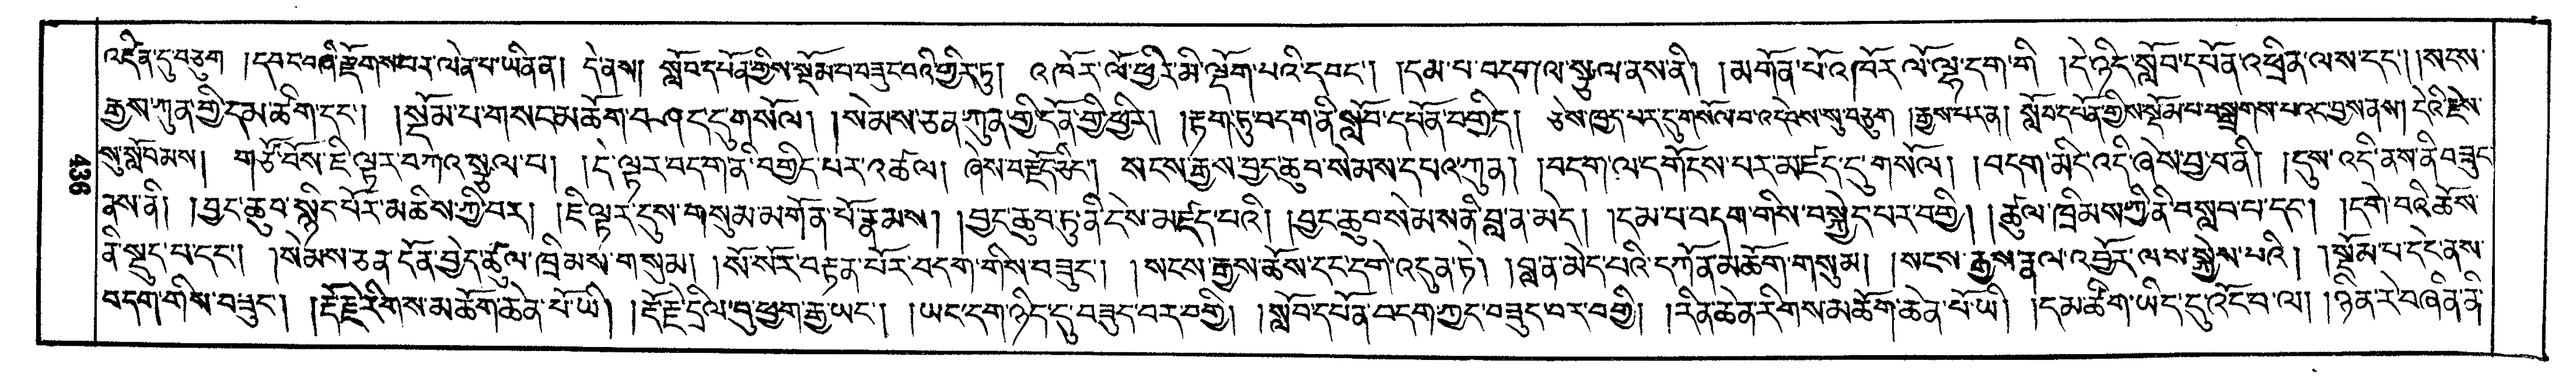འཛིན་དུ་བཅུག །དབང་བཞི་རྫོགས་པར་ལེན་པ་ཡིན་ན། དེ་ནས། སློབ་དཔོན་གྱིས་སྡོམ་པ་བཟུང་བའི་ཕྱིར་ཏུ། འཁོར་ལོ་ཕྱིར་མི་ལྡོག་པའི་དབང་། །དམ་པ་བདག་ལ་སྩལ་ནས་ནི། །མགོན་པོ་འཁོར་ལོ་ལྷ་དག་གི །དེ་ཉིད་སློབ་དཔོན་འཕྲིན་ལས་དང་། །སངས་
རྒྱས་ཀུན་གྱི་དམ་ཚིག་དང་། །སྡོམ་པ་གསང་མཆོག་བཤད་དུ་གསོལ། །སེམས་ཅན་ཀུན་གྱི་དོན་གྱི་ཕྱིར། །རྟག་ཏུ་བདག་ནི་སློབ་དཔོན་བགྱིད། ཅེས་ཁྱད་པར་དུ་གསོལ་བ་འདེབས་སུ་བཅུག །རྒྱས་པར་ནི། སློབ་དཔོན་གྱིས་སྡོམ་པ་བསྒྲགས་པའང་བྱས་ནས། དེའི་རྗེས་
སུ་སློབ་མས། གཙོ་བོས་ཇི་ལྟར་བཀའ་སྩལ་པ། །དེ་ལྟར་བདག་ནི་བགྱིད་པར་འཚལ། ཞེས་བརྗོད་ཅིང་། སངས་རྒྱས་བྱང་ཆུབ་སེམས་དཔའ་ཀུན། །བདག་ལ་དགོངས་པར་མཛད་དུ་གསོལ། །བདག་མི་འདི་ཞེས་བྱ་བ་ནི། །དུས་འདི་ནས་ནི་བཟུང་
ནས་ནི། །བྱང་ཆུབ་སྙིང་པོར་མཆིས་ཀྱི་བར། །ཇི་ལྟར་དུས་གསུམ་མགོན་པོ་རྣམས། །བྱང་ཆུབ་ནི་ངེས་མཛད་པའི། །བྱང་ཆུབ་སེམས་ནི་བླ་ན་མེད། །དམ་པ་བདག་གིས་བསྐྱེད་པར་བགྱི། །ཚུལ་ཁྲིམས་ཀྱི་ནི་བསླབ་པ་དང་། །དགེ་བའི་ཆོས་
ནི་སྡུད་པ་དང་། །སེམས་ཅན་དོན་བྱེད་ཚུལ་ཁྲིམས་གསུམ། །སོ་སོར་བརྟན་པོར་བདག་གིས་བཟུང་། །སངས་རྒྱས་ཆོས་དང་དགེ་འདུན་ཏེ། །བླ་ན་མེད་པའི་དཀོན་མཆོག་གསུམ། །སངས་རྒྱས་རྣལ་འབྱོར་ལས་སྐྱེས་པའི། །སྡོམ་པ་དང་ནས་
བདག་གིས་བཟུང་། །རྡོ་རྗེ་རིགས་མཆོག་ཆེན་པོ་ཡི། །རྡོ་རྗེ་དྲིལ་བུ་ཕྱག་རྒྱ་ཡང་། །ཡང་དག་ཉིད་དུ་བཟུང་བར་བགྱི། །སློབ་དཔོན་བདག་ཀྱང་བཟུང་བར་བགྱི། །རིན་ཆེན་རིགས་མཆོག་ཆེན་པོ་ཡི། །དམ་ཚིག་ཡིད་དུ་འོང་བ་ལ། །ཉིན་རེ་བཞིན་ནི་